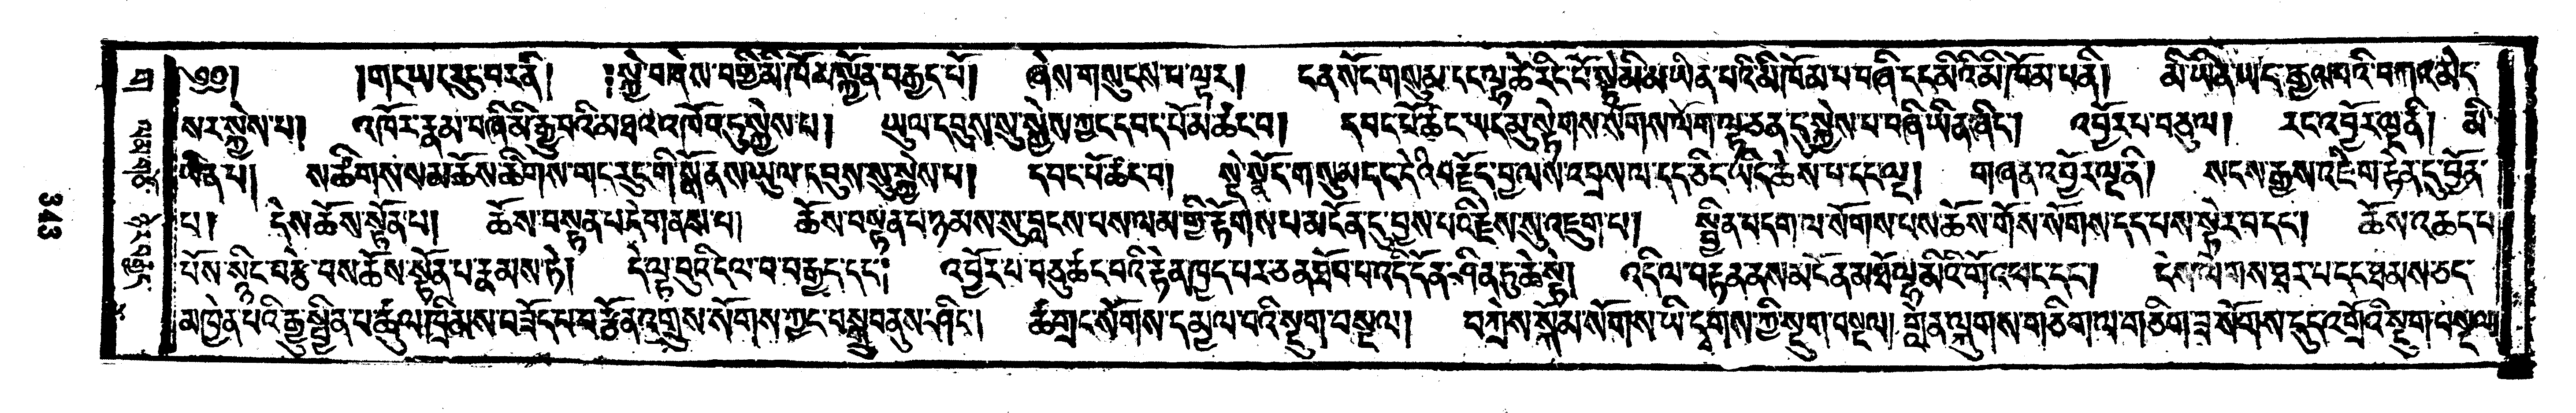༄༅། །གང་ཡང་རུང་བར་ནི། །སྐྱེ་བཞེས་བགྱི་མི་ཁོམ་སྐྱོན་བརྒྱད་པོ། ཞེས་གསུངས་པ་ལྟར། ངན་སོང་གསུམ་དང་ལྷ་ཚེ་རིང་པོ་སྟེ་མི་མ་ཡིན་པའི་མི་ཁོམ་པ་བཞི་དང་མིའི་མི་ཁོམ་པ་ནི། མི་ཡིན་ཡང་རྒྱལ་བའི་བཀའ་མེད་
སར་སྐྱེས་པ། འཁོར་རྣམ་བཞི་མི་རྒྱུ་བའི་མཐའ་འཁོབ་ཏུ་སྐྱེས་པ། ཡུལ་དབུས་སུ་སྐྱེས་ཀྱང་དབང་པོ་མ་ཚང་བ། དབང་པོ་ཚང་ཡང་མུ་སྟེགས་སོགས་ལོག་ལྟ་ཅན་དུ་སྐྱེས་པ་བཞི་ཡིན་ཞིང་། འབྱོར་པ་བཅུ་ལ། རང་འབྱོར་ལྔ་ནི། མི་
ཡིན་པ། ས་ཚིགས་སམ་ཆོས་ཚིགས་གང་རུང་གི་སྒོ་ནས་ཡུལ་དབུས་སུ་སྐྱེས་པ། དབང་པོ་ཚང་བ། སྡེ་སྣོད་གསུམ་དང་དེའི་བརྗོད་བྱ་ལས་འབྲས་ལ་དད་ཅིང་ཡིད་ཆེས་པ་དང་ལྔ། གཞན་འབྱོར་ལྔ་ནི། སངས་རྒྱས་འཇིག་རྟེན་དུ་བྱོན་
པ། དེས་ཆོས་སྟོན་པ། ཆོས་བསྟན་པ་དེ་གནས་པ། ཆོས་བསྟན་པ་ཉམས་སུ་བླངས་པས་ལམ་གྱི་རྟོགས་པ་མངོན་དུ་བྱས་པའི་རྗེས་སུ་འཇུག་པ། སྦྱིན་བདག་ལ་སོགས་པས་ཆོས་གོས་སོགས་དད་པས་སྟེར་བ་དང་། ཆོས་འཆད་པ་
པོས་སྙིང་བརྩེ་བས་ཆོས་སྟོན་པ་རྣམས་ཏེ། དེ་ལྟ་བུའི་ངལ་བ་བརྒྱད་དང་། འབྱོར་པ་བཅུ་ཚང་བའི་རྟེན་ཁྱད་པར་ཅན་ཐོབ་པ་འདི་དོན་ཤིན་ཏུ་ཆེ་སྟེ། འདི་ལ་བརྟན་ནས་མངོན་མཐོ་ལྷ་མིའི་གོ་འཕང་དང་། ངེས་ལེགས་ཐར་པ་དང་ཐམས་ཅད་
མཁྱེན་པའི་རྒྱུ་སྦྱིན་པ་ཚུལ་ཁྲིམས་བཟོད་པ་བརྩོན་འགྲུས་སོགས་ཀྱང་བསྒྲུབ་ནུས་ཤིང་། ཚ་གྲང་སོགས་དམྱལ་བའི་སྡུག་བསྔལ། བཀྲེས་སྐོམ་སོགས་ཡི་དྭགས་ཀྱི་སྡུག་བསྔལ། གླེན་ལྐུགས་གཅིག་ལ་གཅིག་ཟ་སོགས་དུད་འགྲོའི་སྡུག་བསྔལ་